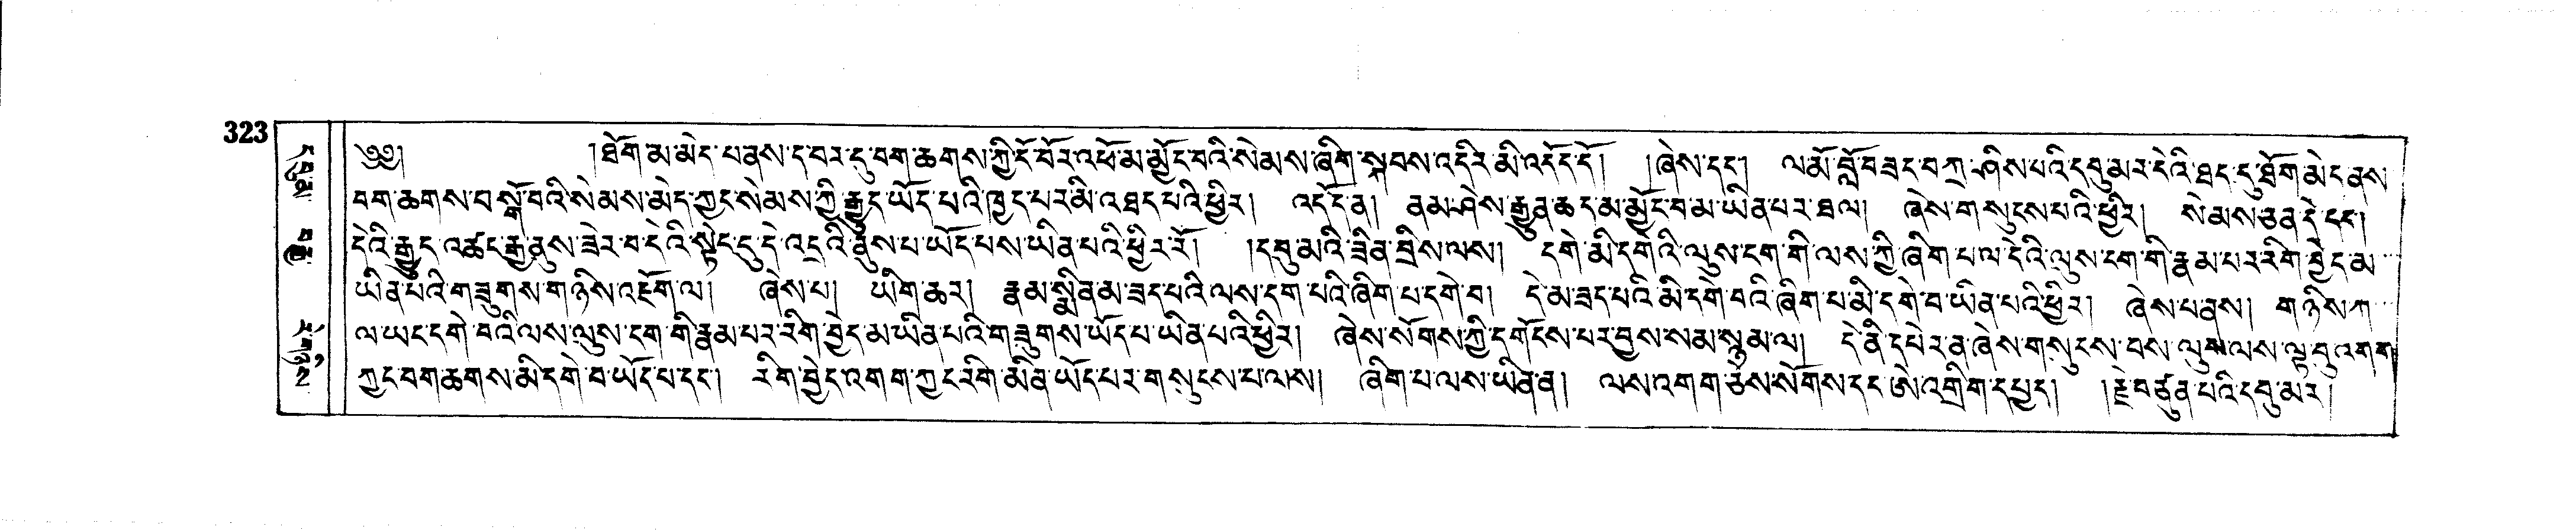༄༅། །ཐོག་མ་མེད་པ་ནས་ད་བར་དུ་བག་ཆགས་ཀྱི་ངོ་བོར་འཕོ་མ་མྱོང་བའི་སེམས་ཞིག་སྐབས་འདིར་མི་འདོད་དོ། །ཞེས་དང་། ལ་མོ་བློ་བཟང་བཀྲ་ཤིས་པའི་དབུ་མར་དེའི་ཐད་དུ་ཐོག་མེད་ནས་
བག་ཆགས་བསྒོ་བའི་སེམས་མེད་ཀྱང་སེམས་ཀྱི་རྒྱུད་ཡོད་པའི་ཁྱད་པར་མི་འཐད་པའི་ཕྱིར། འདོད་ན། ནམ་ཤེས་རྒྱུན་ཆད་མ་མྱོང་བ་མ་ཡིན་པར་ཐལ། ཞེས་གསུངས་པའི་ཕྱིར། སེམས་ཅན་དེ་དང་།
དེའི་རྒྱུད་འཚང་རྒྱ་ནུས་ཟེར་བ་དེའི་སྟེང་དུ་དེ་འདྲའི་ནུས་པ་ཡོད་པས་ཡིན་པའི་ཕྱིར་རོ། །དབུ་མའི་ཟིན་བྲིས་ལས། དགེ་མི་དགེའི་ལུས་ངག་གི་ལས་ཀྱི་ཞིག་པ་ལ་དེའི་ལུས་ངག་གི་རྣམ་པར་རིག་བྱེད་མ་
ཡིན་པའི་གཟུགས་གཉིས་འཇོག་ལ། ཞེས་པ། ཡིག་ཆར། རྣམ་སྨིན་མ་ཟད་པའི་ལས་དག་པའི་ཞིག་པ་དགེ་བ། དེ་མ་ཟད་པའི་མི་དགེ་བའི་ཞིག་པ་མི་དགེ་བ་ཡིན་པའི་ཕྱིར། ཞེས་པ་ནས། གཉིས་ཀ་
ལ་ཡང་དགེ་བའི་ལས་ལུས་ངག་གི་རྣམ་པར་རིག་བྱེད་མ་ཡིན་པའི་གཟུགས་ཡོད་པ་ཡིན་པའི་ཕྱིར། ཞེས་སོགས་ཀྱི་དགོངས་པར་བྱས་སམ་སྙམ་ལ། དེ་ནི་དཔེར་ན་ཞེས་གསུངས་བས་ལུས་ལས་ལྟ་བུ་འགག་
ཀྱང་བག་ཆགས་མི་དགེ་བ་ཡོད་པ་དང་། རིག་བྱེད་འགག་ཀྱང་རིག་མིན་ཡོད་པར་གསུངས་པ་ལས། ཞིག་པ་ལས་ཡིན་ན། ལས་འགག་ཅེས་སོགས་དང་ཨེ་འགྲིག་དཔྱད། །རྗེ་བཙུན་པའི་དབུ་མར།